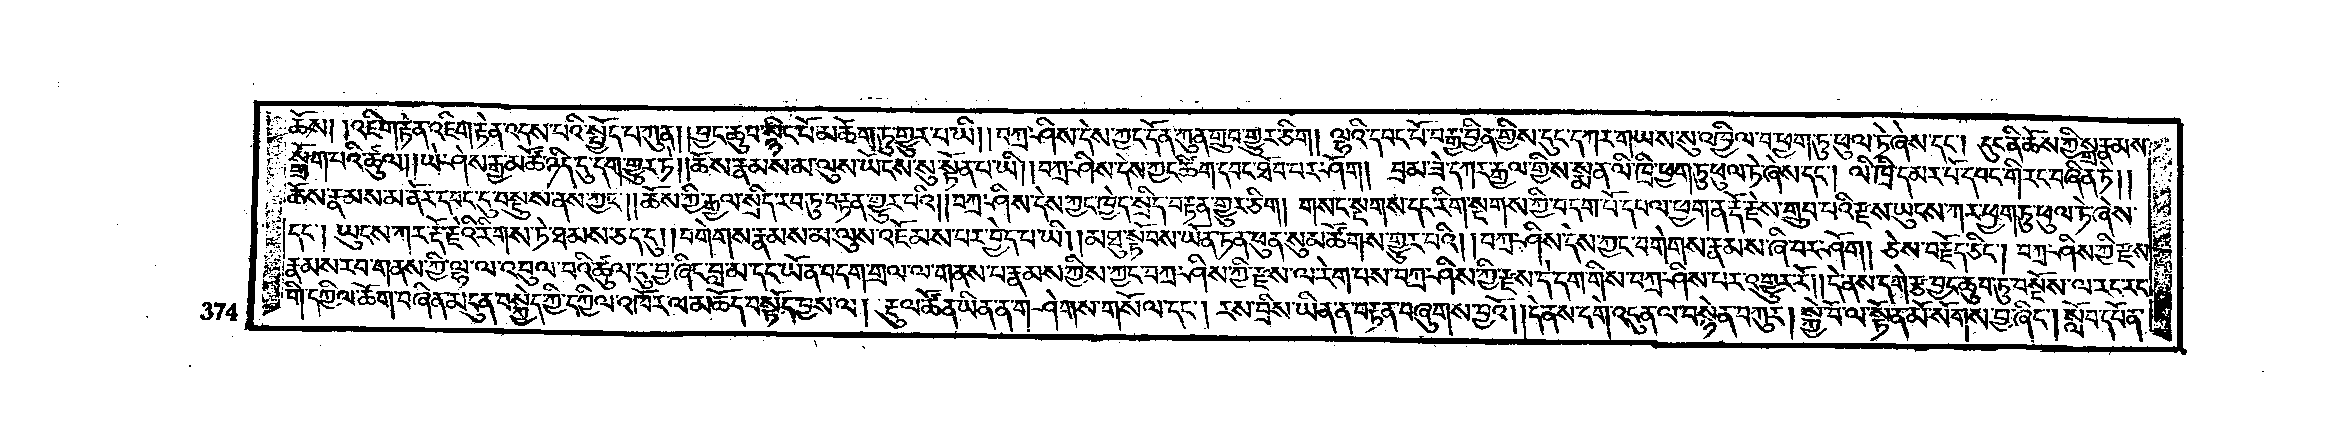ཆོས། །འཇིག་རྟེན་འཇིག་རྟེན་འདས་པའི་སྤྱོད་པ་ཀུན། །བྱང་ཆུབ་སྙིང་པོ་མཆོག་ཏུ་གྱུར་བ་ཡི། །བཀྲ་ཤིས་དེས་ཀྱང་དོན་ཀུན་གྲུབ་གྱུར་ཅིག །ལྷའི་དབང་པོ་བརྒྱ་བྱིན་གྱིས་དུང་དཀར་གཡས་སུ་འཁྱིལ་བ་ཕྱག་ཏུ་ཕུལ་ཏེ་ཞེས་དང་། དུང་ནི་ཆོས་ཀྱི་སྒྲ་རྣམས་
སྒྲོག་པའི་ཚུལ། །ཡེ་ཤེས་རྒྱ་མཚོ་ཉིད་དུ་དག་གྱུར་ཏེ། །ཆོས་རྣམས་མ་ལུས་ཡོངས་སུ་སྟོན་པ་ཡི། །བཀྲ་ཤིས་དེས་ཀྱང་ཚིག་དབང་ཐོབ་པར་ཤོག །བྲམ་ཟེ་དཀར་རྒྱལ་གྱིས་སྨན་ལི་ཁྲི་ཕྱག་ཏུ་ཕུལ་ཏེ་ཞེས་དང་། ལི་ཁྲི་དམར་པོ་དབང་གི་རང་བཞིན་ཏེ། །
ཆོས་རྣམས་མ་ནོར་དབང་དུ་བསྡུས་ནས་ཀྱང་། །ཆོས་ཀྱི་རྒྱལ་སྲིད་རབ་ཏུ་བརྟན་གྱུར་པའི། །བཀྲ་ཤིས་དེས་ཀྱང་ཁྱེད་སྲིད་བརྟན་གྱུར་ཅིག །གསང་སྔགས་དང་རིག་སྔགས་ཀྱི་བདག་པོ་དཔལ་ཕྱག་ན་རྡོ་རྗེས་གྲུབ་པའི་རྫས་ཡུངས་ཀར་ཕྱག་ཏུ་ཕུལ་ཏེ་ཞེས་
དང་། ཡུངས་ཀར་རྡོ་རྗེའི་རིགས་ཏེ་ཐམས་ཅད་དུ། །བགེགས་རྣམས་མ་ལུས་འཇོམས་པར་བྱེད་པ་ཡི། །མཐུ་སྟོབས་ཡོན་ཏན་ཕུན་སུམ་ཚོགས་གྱུར་པའི། །བཀྲ་ཤིས་དེས་ཀྱང་བགེགས་རྣམས་ཞི་བར་ཤོག །ཅེས་བརྗོད་ཅིང་། བཀྲ་ཤིས་ཀྱི་རྫས་
རྣམས་རབ་གནས་ཀྱི་ལྷ་ལ་འབུལ་བའི་ཚུལ་དུ་བྱ་ཞིང་བླ་མ་དང་ཡོན་བདག་གྲལ་ལ་གནས་པ་རྣམས་ཀྱིས་ཀྱང་བཀྲ་ཤིས་ཀྱི་རྫས་ལ་རེག་པས་བཀྲ་ཤིས་ཀྱི་རྫས་དེ་དག་གིས་བཀྲ་ཤིས་པར་འགྱུར་རོ། །དེ་ནས་དགེ་རྩ་བྱང་ཆུབ་ཏུ་བསྔོས་ལ་རང་རང་
གི་དཀྱིལ་ཆོག་བཞིན་མདུན་བསྐྱེད་ཀྱི་དཀྱིལ་འཁོར་ལ་མཆོད་བསྟོད་བྱས་ལ། རྡུལ་ཚོན་ཡིན་ན་གཤེགས་གསོལ་དང་། རས་བྲིས་ཡིན་ན་བརྟན་བཞུགས་བྱའོ། །དེ་ནས་དགེ་འདུན་ལ་བསྙེན་བཀུར། སྐྱེ་བོ་ལ་སྟོན་མོ་སོགས་བྱ་ཞིང་། སློབ་དཔོན་